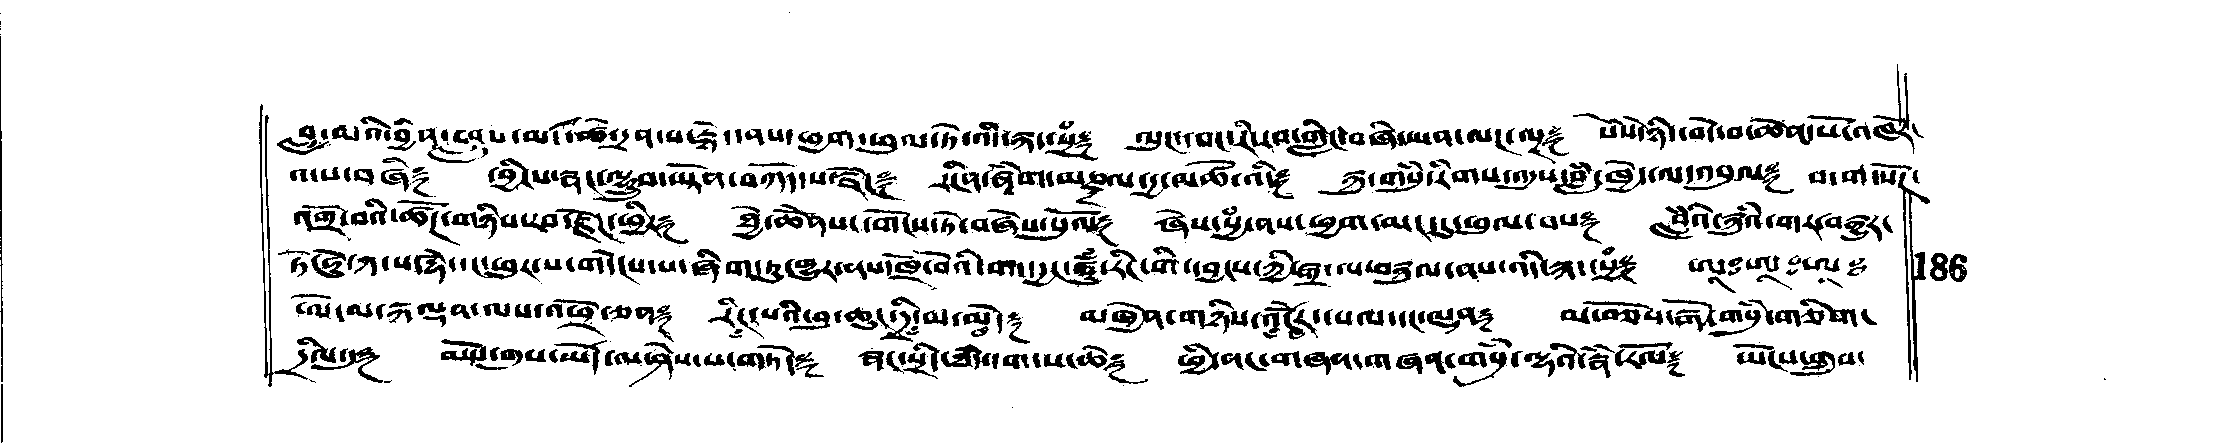བླ་མའི་བྱིན་རླབས་མཛད་ཚེ་དྲན་པ་རྙེད་ནས་ཕྱག་ཕུལ་ཏེ་འདི་སྐད་གསུང་། ལུང་དབང་རི་རབ་གླིང་བཞི་ཡན་ལག་ལྔ། །སེམས་ཉིད་བདེ་བ་ཆེན་པོ་འཁོར་
འདས་གཞི། །དབྱིངས་སྣང་ལྷུན་གྲུབ་ཡོན་ཏན་བཀོད་པ་རྫོགས། །རང་བཞིན་རྣམ་དག་མཎྜལ་རྒྱ་མཚོ་འདི། །སྐུ་གསུམ་རིགས་འདུས་བླ་མ་ཁྱོད་ལ་འབུལ། །བདག་སོགས་
འགྲོ་བའི་ཚོགས་གཉིས་རབ་རྫོགས་ཕྱིར། །ཐུགས་རྗེ་ཆེན་པོས་དགོངས་ཏེ་བཞེས་སུ་གསོལ། །ཞེས་གསུང་ནས་ཕྱག་མང་དུ་ཕུལ་བས། བླ་མའི་སྐུའི་གར་བསྒྱུར་
ཏེ་ཧེ་རུ་ཀ་པ་རྡོ་རྗེ་དང་ཕུར་པ་གདེངས་པ་ཞིག་ཏུ་གྱུར་ནས་ཁྲོ་བོའི་གད་རྒྱང་ཧཱུྃ་རིང་གི་དབྱངས་ཀྱི་སྒྲ་ལ་བསྐུལ་ནས་འདི་སྐད་གསུང་། ཨཱཿཨཱཿཨཱཿ 
ཨེ་མ་སྐལ་ལྡན་ལས་འཕྲོ་ཅན། །རིགས་པའི་བུ་ཆུང་དྲི་མ་མེད། །མཁྱེན་གཉིས་འོད་ཟེར་དཔལ་དང་ལྡན། །མ་བཅོས་སྒོ་གསུམ་གཅིག་
དྲིལ་དུ། །མོས་གུས་ཡོད་ལ་ཤེས་པ་གཏོད། །སྣང་སྲིད་ཐམས་ཅད་དག་པ་ཆེ། །ཕྱི་ནང་གཞན་གསུམ་ལྷའི་རྣམ་རོལ། །ཡོངས་གྲུབ་